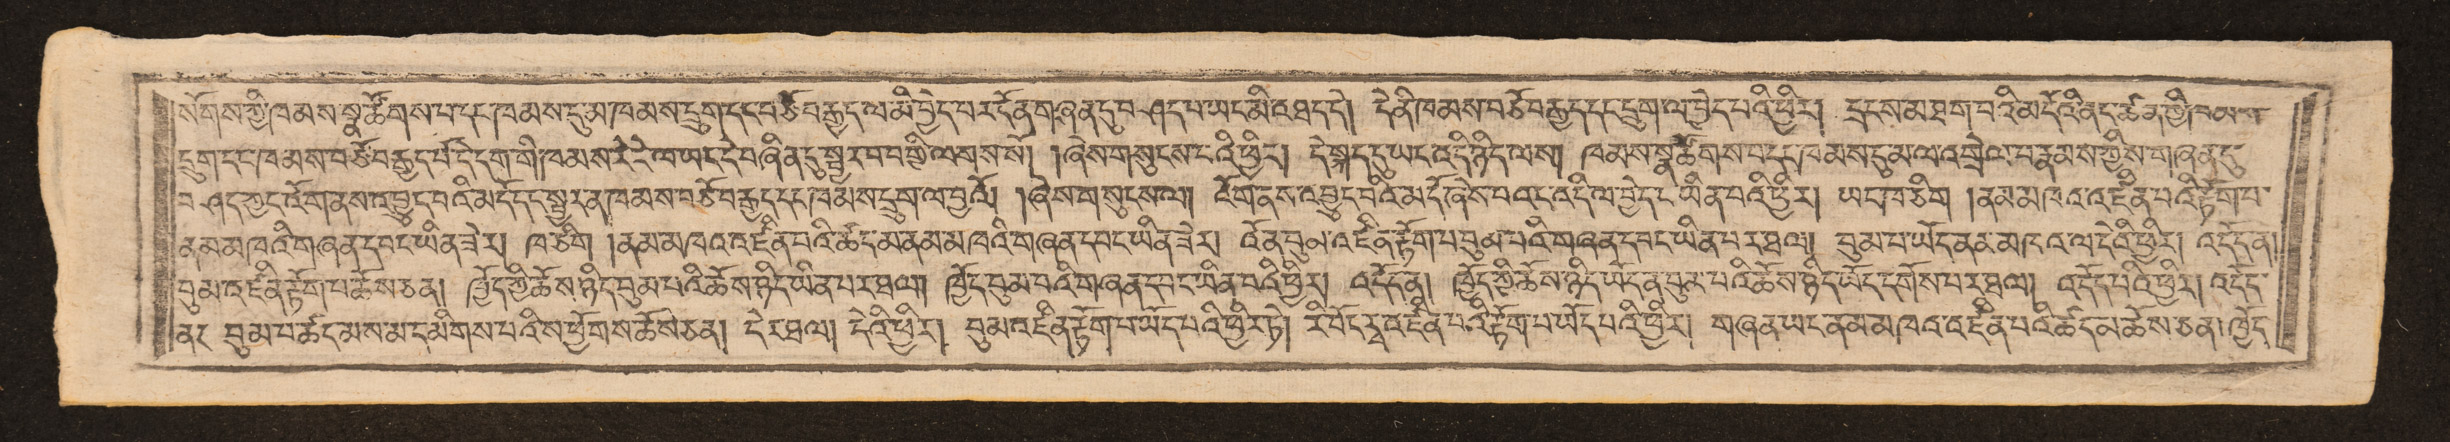སོགས་ཀྱི་ཁམས་སྣ་ཚོགས་པ་དང་ཁམས་དུ་མ་ཁམས་དྲུག་དང་བཅོ་བརྒྱད་ལ་མི་བྱེད་པར་དོན་གཞན་དུ་བཤད་པ་ཡང་མི་འཐད་དེ། དེ་ནི་ཁམས་བཅོ་བརྒྱད་དང་དྲུག་ལ་བྱེད་པའི་ཕྱིར། དྲངས་མ་ཐག་པའི་མདོའི་ནང་ཚན་གྱི་ཁམས་
དྲུག་དང་ཁམས་བཅོ་བརྒྱད་པོ་དེ་དག་གི་ཁམས་རེ་རེ་ལ་ཡང་དེ་བཞིན་དུ་སྦྱར་བ་བགྱི་ལགས་སོ། །ཞེས་གསུངས་པའི་ཕྱིར། དེ་སྐད་དུ་ཡང་འདི་ཉིད་ལས། ཁམས་སྣ་ཚོགས་པ་དང་ཁམས་དུ་མ་ལ་འགྲེལ་བ་རྣམས་ཀྱིས་གཞན་དུ་
བཤད་ཀྱང་འོག་ནས་འབྱུང་བའི་མདོ་དང་སྦྱར་ན་ཁམས་བཅོ་བརྒྱད་དང་ཁམས་དྲུག་ལ་བྱའོ། །ཞེས་གསུངས་ལ། འོག་ནས་འབྱུང་བའི་མདོ་ཞེས་པའང་འདི་ལ་བྱེད་པ་ཡིན་པའི་ཕྱིར། ཡང་ཁ་ཅིག །ནམ་མཁའ་འཛིན་པའི་རྟོག་པ་
ནམ་མཁའི་གཞན་དབང་ཡིན་ཟེར། ཁ་ཅིག །ནམ་མཁའ་འཛིན་པའི་ཚད་མ་ནམ་མཁའི་གཞན་དབང་ཡིན་ཟེར། འོ་ན་བུམ་འཛིན་རྟོག་བ་བུམ་བའི་གཞན་དབང་ཡིན་པར་ཐལ། བུམ་པ་ཡོད་ནམ་མཁའ་ལ་དེའི་ཕྱིར། འདོད་ན་
བུམ་འཛིན་རྟོག་པ་ཆོས་ཅན། ཁྱོད་ཀྱི་ཆོས་ཉིད་བུམ་པའི་ཆོས་ཉིད་ཡིན་པར་ཐལ། ཁྱོད་བུམ་པའི་གཞན་དབང་ཡིན་པའི་ཕྱིར། འདོད་ན། ཁྱོད་ཀྱི་ཆོས་ཉིད་ཡོད་ན་བུམ་པའི་ཆོས་ཉིད་ཡོད་དགོས་པར་ཐལ། འདོད་པའི་ཕྱིར། འདོད་
ན༑ བུམ་པ་ཚད་མས་མ་དམིགས་པའི་ས་ཕྱོགས་ཆོས་ཅན། དེར་ཐལ། དེའི་ཕྱིར། བུམ་འཛིན་རྟོག་པ་ཡོད་པའི་ཕྱིར་ཏེ། རི་བོང་རྭ་འཛིན་པའི་རྟོག་པ་ཡོད་པའི་ཕྱིར། གཞན་ཡང་ནམ་མཁའ་འཛིན་པའི་ཚད་མ་ཆོས་ཅན། ཁྱོད་